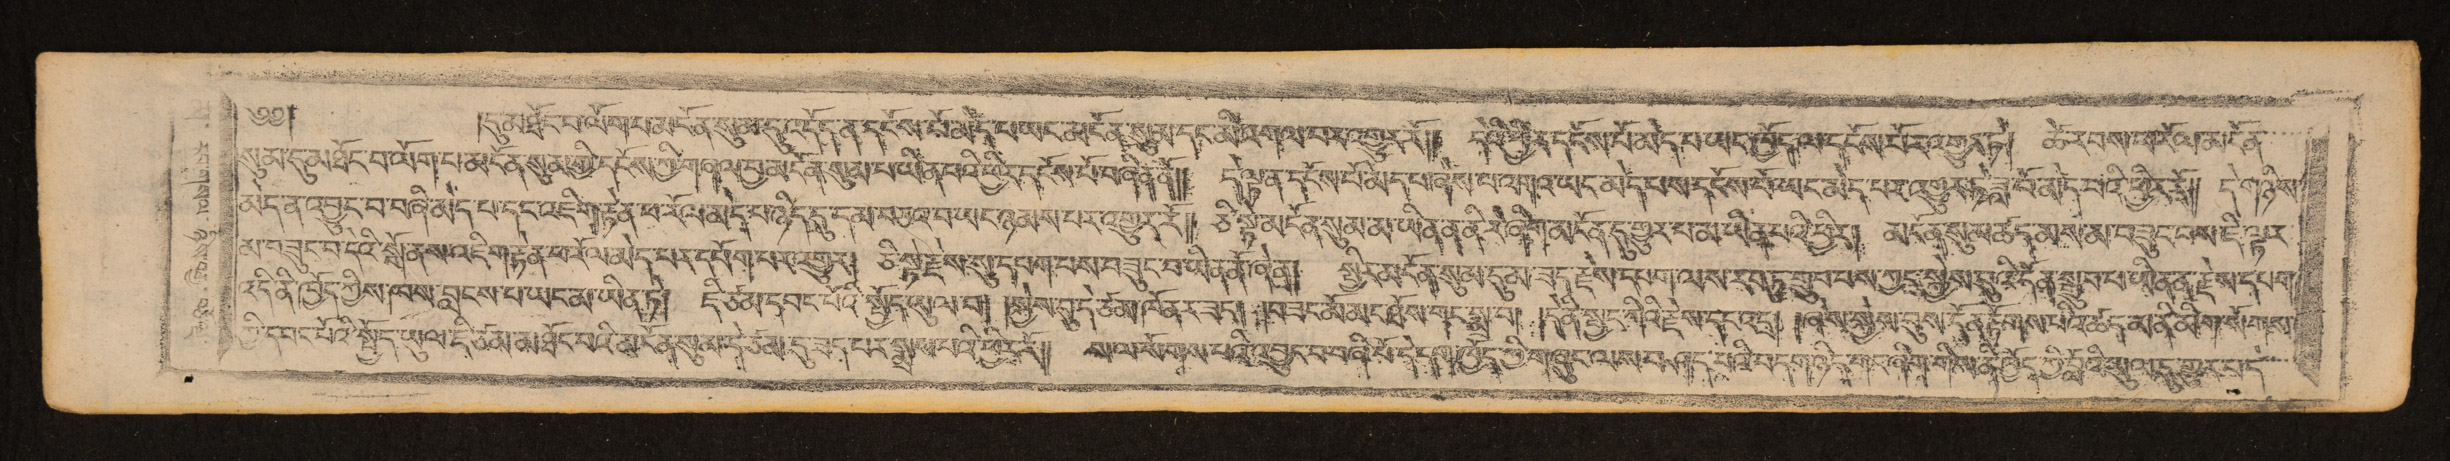༄༅། །དུ་མཐོང་བ་ལོག་པ་མངོན་སུམ་དུ་འདོད་ན་དངོས་པོ་མེད་པ་ཡང་མངོན་སུམ་དང་མི་འགལ་བར་འགྱུར་རོ།། དེའི་ཕྱིར་དངོས་པོ་མེད་པ་ཡང་ཁྱོད་ལ་དངོས་པོར་འགྱུར་ཏེ། ཚེ་རབས་ཕ་རོལ་མངོན་
སུམ་དུ་མཐོང་བ་ལོག་པ་མངོན་སུམ་གྱི་དངོས་ཀྱི་གཞལ་བྱ་མངོན་སུམ་པ་ཡིན་པའི་ཕྱིར་དངོས་པོ་བཞིན་ནོ།། དེ་ལྟ་ན་དངོས་པོ་མེད་པ་ཞེས་པ་འགའ་ཡང་མེད་པས་དངོས་པོ་ཡང་མེད་པར་འགྱུར་ཏེ་ཟླ་བོ་མེད་པའི་ཕྱིར་རོ།། དེ་གཉིས་
མེད་ན་འབྱུང་བ་བཞི་མེད་པ་དང་འཇིག་རྟེན་ཕ་རོལ་མེད་པ་ཉིད་དུ་དམ་བཅའ་བ་ཡང་ཉམས་པར་འགྱུར་རོ།། ཅི་སྟེ་མངོན་སུམ་མ་ཡིན་ན་ནི་རེ་ཞིག་མངོན་དུ་གྱུར་པ་མ་ཡིན་པའི་ཕྱིར། མངོན་སུམ་ཚད་མས་མ་བཟུང་བས་ཇི་ལྟར་
མ་བཟུང་བ་དེའི་སྒོ་ནས་འཇིག་རྟེན་ཕ་རོལ་མེད་པར་དཔོག་པར་འགྱུར། ཅི་སྟེ་རྗེས་སུ་དཔག་པས་བཟུང་བ་ཡིན་ནོ་ཞེ་ན། སྤྱིར་མངོན་སུམ་དུ་མ་ཟད་རྗེས་དཔག་ལས་རབ་ཏུ་གྲུབ་པས་ཀྱང་སྐྱེས་བུའི་དོན་སྒྲུབ་པ་ཡིན་ན་རྗེས་དཔག་
འདི་ནི་ཁྱོད་ཀྱིས་ཁས་བླངས་པ་ཡང་མ་ཡིན་ཏེ། ཇི་ཙམ་དབང་པོའི་སྤྱོད་ཡུལ་བ། །སྐྱེས་བུ་དེ་ཙམ་ཁོ་ནར་ཟད། །བཟང་མོ་མང་ཐོས་གང་སྨྲ་བ། །དེ་ནི་སྤྱང་ཀིའི་རྗེས་དང་འདྲ། །ཞེས་སྐྱེས་བུས་དོན་རྟོགས་པའི་ཚད་མ་ནི་མིག་སོགས་
ཀྱི་དབང་པོའི་སྤྱོད་ཡུལ་ཇི་ཙམ་མཐོང་བའི་མངོན་སུམ་དེ་ཙམ་དུ་ཟད་པར་སྨྲས་པའི་ཕྱིར་རོ།། ས་ལ་སོགས་པའི་འབྱུང་བ་བཞི་པོ་དེ་དག་ཁྱོད་ཀྱི་གཞུང་ལས་བཤད་པའི་བདག་ཉིད་གང་ཞིག་གིས་ནི་ཁྱོད་ཀྱི་བློའི་ཡུལ་དུ་གྱུར་པ་དེ་